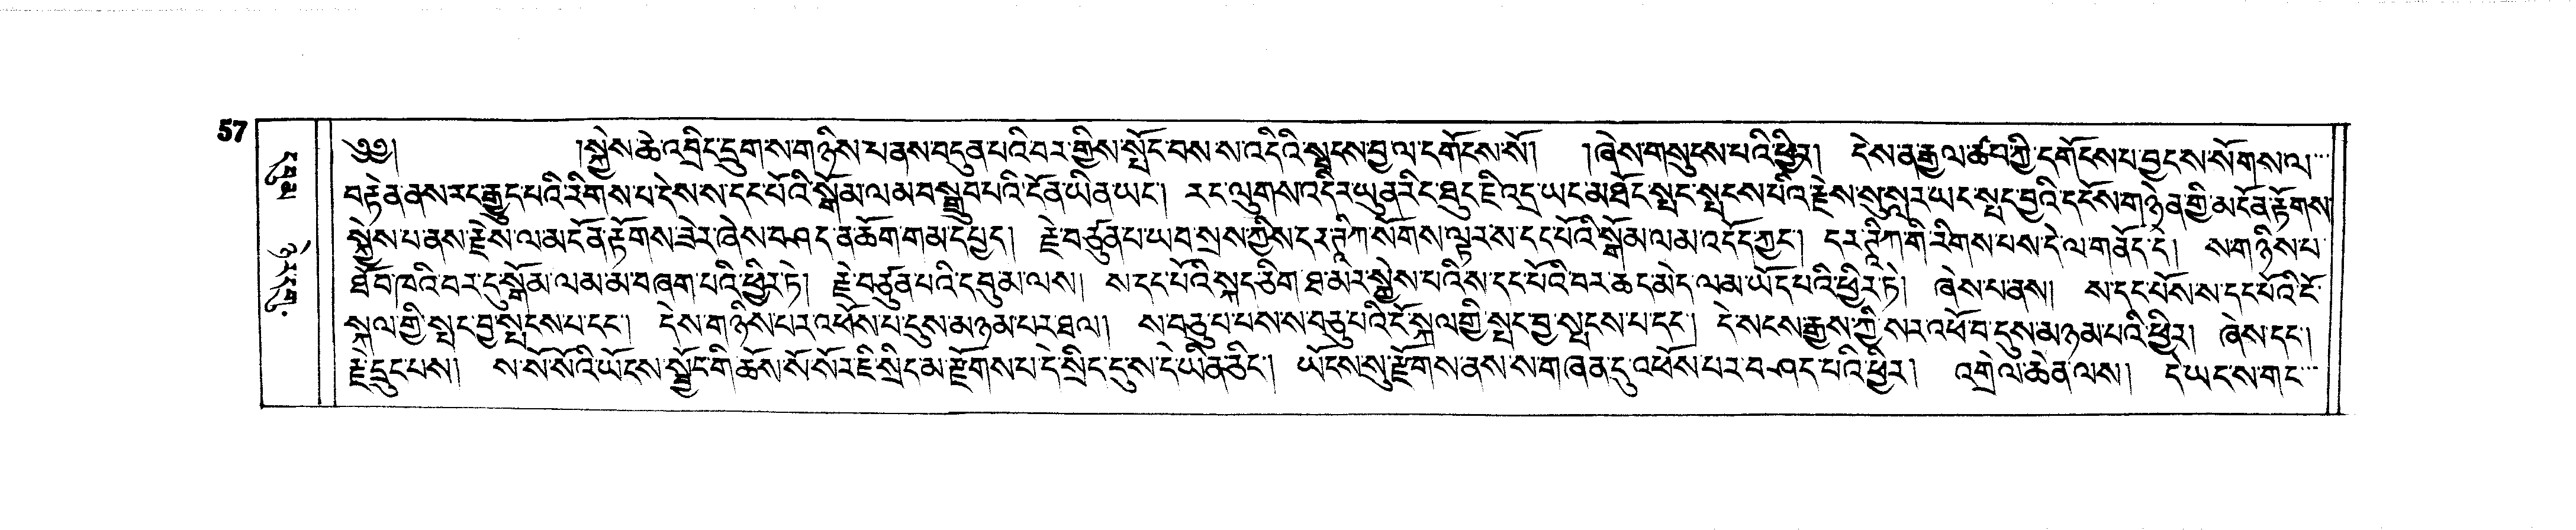༄༅། །སྐྱེས་ཆེ་འབྲིང་དྲུག་ས་གཉིས་པ་ནས་བདུན་པའི་བར་གྱིས་སྤོང་བས་ས་འདིའི་སྤངས་བྱ་ལ་དགོངས་སོ། །ཞེས་གསུངས་པའི་ཕྱིར། དེས་ན་རྒྱལ་ཚབ་ཀྱི་དགོངས་པ་བྱང་ས་སོགས་ལ་
བརྟེན་ནས་རང་རྒྱུད་པའི་རིགས་པ་དེས་ས་དང་པོའི་སྒོམ་ལམ་བསྒྲུབ་པའི་དོན་ཡིན་ཡང་། རང་ལུགས་འདིར་ཡུན་རིང་ཐུང་ཇི་འདྲ་ཡང་མཐོང་སྤང་སྤངས་པའི་རྗེས་སུ་སླར་ཡང་སྤང་བྱའི་དངོས་གཉེན་གྱི་མངོན་རྟོགས་
སྐྱེས་པ་ནས་རྗེས་ལ་མངོན་རྟོགས་ཟེར་ཞེས་བཤད་ན་ཆོག་གམ་དཔྱད། རྗེ་བཙུན་པ་ཡབ་སྲས་ཀྱིས་དར་ཊཱིཀ་སོགས་ལྟར་ས་དང་པོའི་སྒོམ་ལམ་འདོད་ཀྱང་། དར་ཊཱིཀ་གི་རིགས་པས་དེ་ལ་གནོད་དེ། ས་གཉིས་པ་
ཐོབ་ཁའི་བར་དུ་སྒོམ་ལམ་མ་བཞག་པའི་ཕྱིར་ཏེ། རྗེ་བཙུན་པའི་དབུ་མ་ལས། ས་དང་པོའི་སྐད་ཅིག་ཐ་མར་སྐྱེས་པའི་ས་དང་པོའི་བར་ཆད་མེད་ལམ་ཡོད་པའི་ཕྱིར་ཏེ། ཞེས་པ་ནས། ས་དང་པོས་ས་དང་པོའི་ངོ་
སྐལ་གྱི་སྤང་བྱ་སྤངས་པ་དང་། དེས་གཉིས་པར་འཕོས་པ་དུས་མཉམ་པར་ཐལ། ས་བཅུ་པ་པས་ས་བཅུ་པའི་ངོ་སྐལ་གྱི་སྤང་བྱ་སྤངས་པ་དང་། དེ་སངས་རྒྱས་ཀྱི་སར་འཕོ་བ་དུས་མཉམ་པའི་ཕྱིར། ཞེས་དང་།
རྗེ་དྲུང་པས། ས་སོ་སོའི་ཡོངས་སྦྱོང་གི་ཆོས་སོ་སོར་ཇི་སྲིད་མ་རྫོགས་པ་དེ་སྲིད་དུ་ས་དེ་ཡིན་ཅིང་། ཡོངས་སུ་རྫོགས་ནས་ས་གཞན་དུ་འཕོས་པར་བཤད་པའི་ཕྱིར། འགྲེལ་ཆེན་ལས། དེ་ཡང་ས་གང་